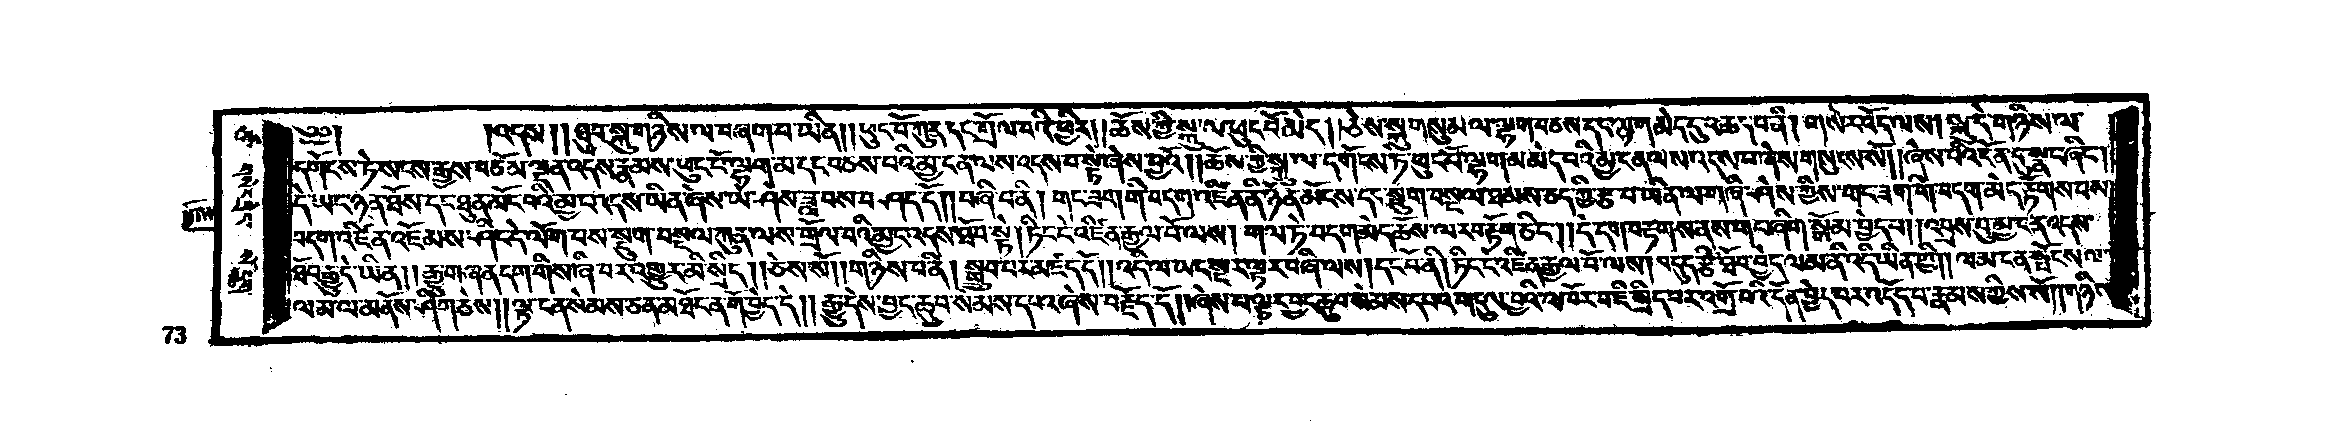༄༅། །འདས། །ཐུབ་སྐུ་གཉིས་ལ་བཞག་པ་ཡིན། །ཕུང་པོ་ཀུན་དང་གྲོལ་བའི་ཕྱིར། །ཆོས་ཀྱི་སྐུ་ལ་ཕུང་པོ་མེད། །ཅེས་སྐུ་གསུམ་ལ་ལྷག་བཅས་དང་ལྷག་མེད་དུ་འཆད་པ་ནི། གསེར་འོད་ལས། སྐུ་དེ་གཉིས་ལ་
དགོངས་ཏེ་སངས་རྒྱས་བཅོམ་ལྡན་འདས་རྣམས་ཕུང་པོ་ལྷག་མ་དང་བཅས་པའི་མྱ་ངན་ལས་འདས་པ་སྟེ་ཞེས་བྱའོ། །ཆོས་ཀྱི་སྐུ་ལ་དགོངས་ཏེ་ཕུང་པོ་ལྷག་མ་མེད་པའི་མྱ་ངན་ལས་འདས་པ་ཞེས་གསུངས་སོ། །ཞེས་པའི་དོན་དུ་སྣང་ཞིང་།
དེ་ཡང་ཉན་ཐོས་དང་ཐུན་མོང་བའི་མྱང་འདས་ཡིན་ཞེས་ཡེ་ཤེས་ཟླ་བས་བཤད་དོ། །བཞི་པ་ནི། གང་ཟག་གི་བདག་འཛིན་ནི་ཉོན་མོངས་དང་སྡུག་བསྔལ་ཐམས་ཅད་ཀྱི་རྩ་བ་ཡིན་ལ་གཞི་ཤེས་ཀྱིས་གང་ཟག་གི་བདག་མེད་རྟོགས་པས་
བདག་འཛིན་འཇོམས་ཤིང་དེ་ལོག་པས་སྡུག་བསྔལ་ཀུན་ལས་གྲོལ་བའི་མྱང་འདས་ཐོབ་སྟེ། ཏིང་ངེ་འཛིན་རྒྱལ་པོ་ལས། གལ་ཏེ་བདག་མེད་ཆོས་ལ་རབ་རྟོག་ཅིང་། །དེ་དག་བརྟགས་ནས་གང་ཞིག་སྒོམ་བྱེད་པ། །འབྲས་བུ་མྱང་ངན་འདས་
ཐོབ་རྒྱུ་དེ་ཡིན། །རྒྱུ་གཞན་དག་གིས་ཞི་བར་འགྱུར་མི་སྲིད། །ཅེས་སོ། །གཉིས་པ་ནི། སྒྲུབ་པར་མཛད་དོ། །འདི་ལ་ཡང་སྔར་ལྟར་བཞི་ལས། དང་པོ་ནི། ཏིང་ངེ་འཛིན་རྒྱལ་པོ་ལས། བདུད་རྩི་ཐོབ་བྱེད་ལམ་ནི་འདི་ཡིན་གྱི། །ལམ་ངན་སྤོངས་ལ་
ལམ་ལ་མནོས་ཤིག་ཅེས། །ལྟ་ངན་སེམས་ཅན་མཐོང་ན་གོ་བྱེད་དེ། །རྒྱུ་དེས་བྱང་ཆུབ་སེམས་དཔའ་ཞེས་བརྗོད་དོ། །ཞེས་པ་ལྟར་བྱང་ཆུབ་སེམས་དཔའ་གདུལ་བྱའི་འཁོར་བ་ཇི་སྲིད་པར་འགྲོ་བའི་དོན་བྱེད་པར་འདོད་པ་རྣམས་ཀྱིས་སོ། །གཉིས་